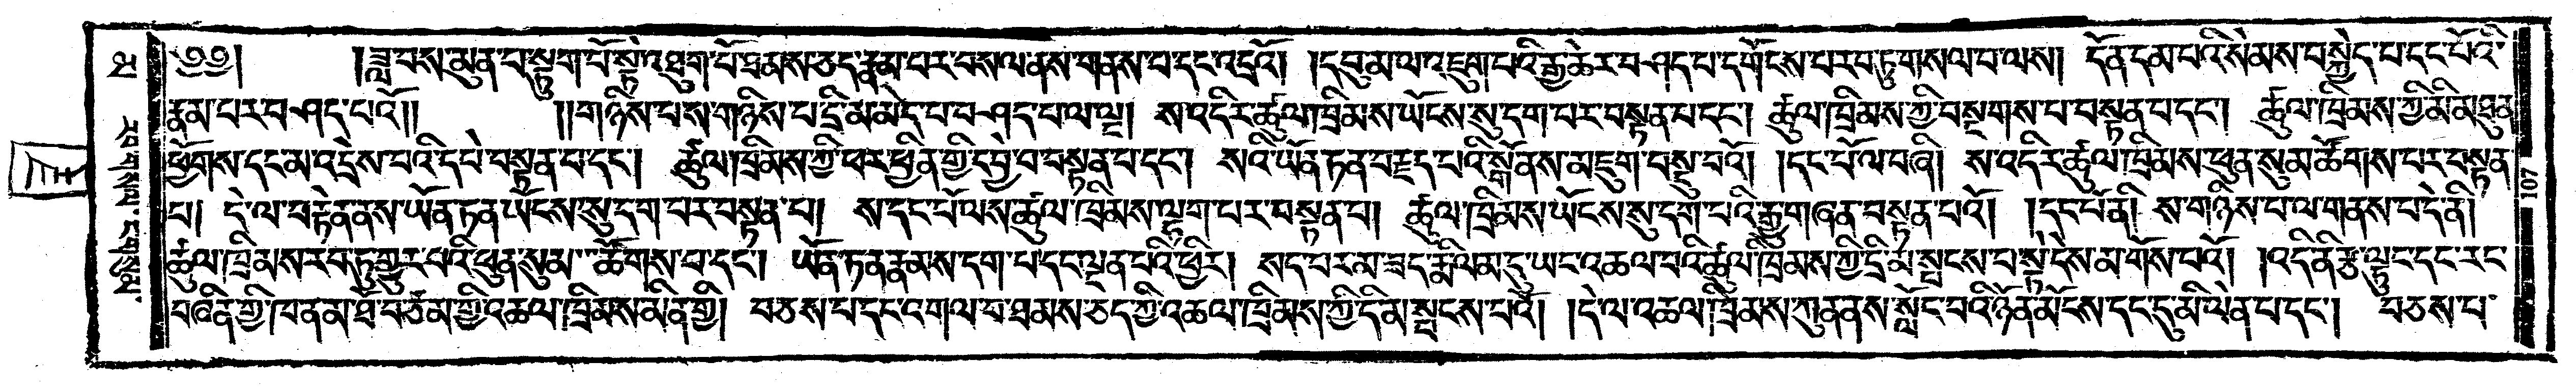༄༅། །ཟླ་བས་མུན་པ་སྟུག་པོ་སྟེ་འཐུག་པོ་ཐམས་ཅད་རྣམ་པར་བསལ་ནས་གནས་པ་དང་འདྲའོ། །དབུ་མ་ལ་འཇུག་པའི་རྒྱ་ཆེར་བཤད་པ་དགོངས་པ་རབ་ཏུ་གསལ་བ་ལས། དོན་དམ་པའི་སེམས་བསྐྱེད་པ་དང་པོའི་
རྣམ་པར་བཤད་པའོ།། །།གཉིས་པས་གཉིས་པ་དྲི་མ་མེད་པ་བཤད་པ་ལ་ལྔ། ས་འདིར་ཚུལ་ཁྲིམས་ཡོངས་སུ་དག་པར་བསྟན་པ་དང་། ཚུལ་ཁྲིམས་ཀྱི་བསྔགས་པ་བསྟན་པ་དང་། ཚུལ་ཁྲིམས་ཀྱི་མི་མཐུན་
ཕྱོགས་དང་མ་འདྲེས་པའི་དཔེ་བསྟན་པ་དང་། ཚུལ་ཁྲིམས་ཀྱི་ཕར་ཕྱིན་གྱི་དབྱེ་བ་བསྟན་པ་དང་། སའི་ཡོན་ཏན་བརྗོད་པའི་སྒོ་ནས་མཇུག་བསྡུ་བའོ། །དང་པོ་ལ་བཞི། ས་འདིར་ཚུལ་ཁྲིམས་ཕུན་སུམ་ཚོགས་པར་བསྟན་
པ། དེ་ལ་བརྟེན་ནས་ཡོན་ཏན་ཡོངས་སུ་དག་པར་བསྟན་པ། ས་དང་པོ་ལས་ཚུལ་ཁྲིམས་ལྷག་པར་བསྟན་པ། ཚུལ་ཁྲིམས་ཡོངས་སུ་དག་པའི་རྒྱུ་གཞན་བསྟན་པའོ། །དང་པོ་ནི། ས་གཉིས་པ་ལ་གནས་པ་དེ་ནི།
ཚུལ་ཁྲིམས་རབ་ཏུ་གྱུར་པའི་ཕུན་སུམ་ཚོགས་པ་དང་། ཡོན་ཏན་རྣམས་དག་པ་དང་ལྡན་པའི་ཕྱིར། སད་པར་མ་ཟད་རྨི་ལམ་དུ་ཡང་འཆལ་བའི་ཚུལ་ཁྲིམས་ཀྱི་དྲི་མ་སྤངས་པ་སྟེ་དེས་མ་གོས་པའོ། །འདི་ནི་རྩ་ལྟུང་དང་རང་
བཞིན་གྱི་ཁ་ན་མ་ཐོ་བ་ཙམ་གྱི་འཆལ་ཁྲིམས་མིན་གྱི། བཅས་པ་དང་འགལ་བ་ཐམས་ཅད་ཀྱི་འཆལ་ཁྲིམས་ཀྱི་དྲི་མ་སྤངས་པའོ། །དེ་ལ་འཆལ་ཁྲིམས་ཀུན་ནས་སློང་བའི་ཉོན་མོངས་དང་དུ་མ་ལེན་བ་དང་། བཅས་པ་